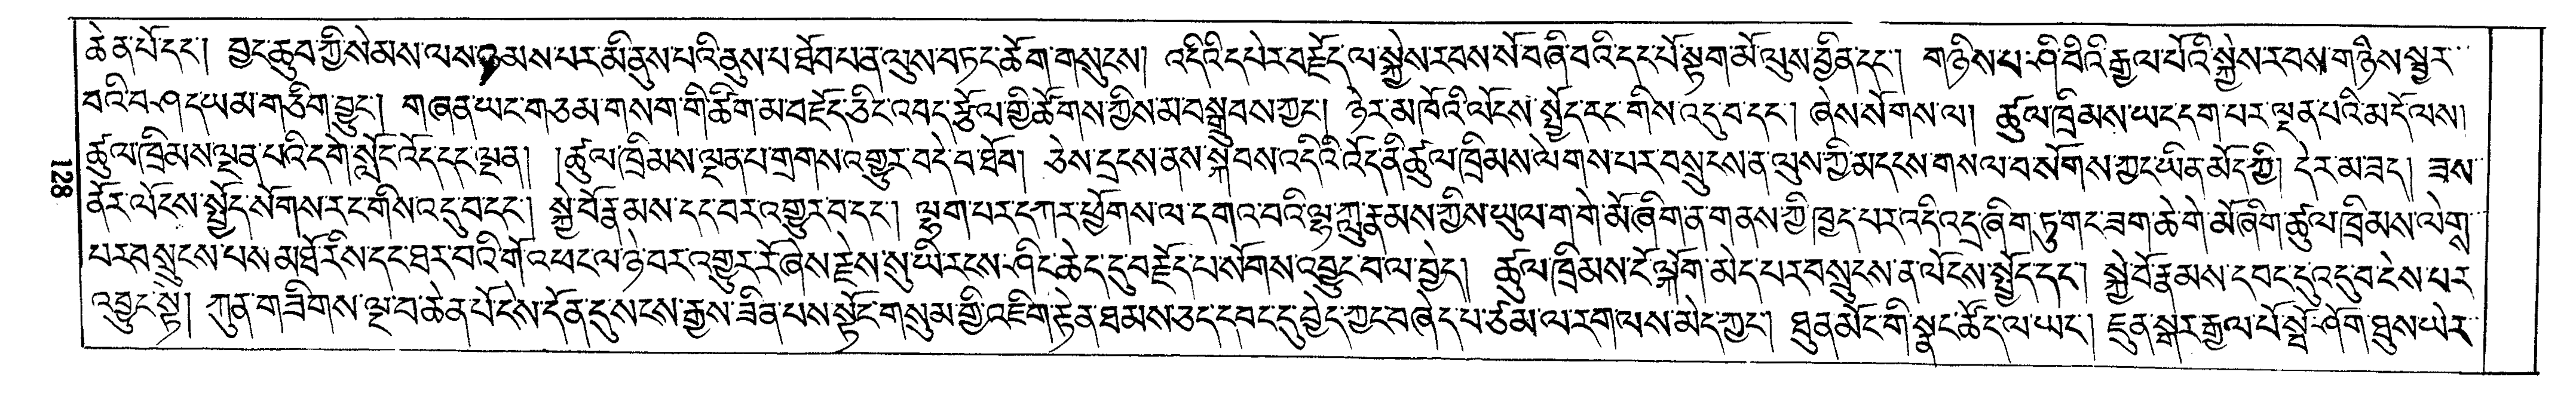ཆེན་པོ་དང་། བྱང་ཆུབ་ཀྱི་སེམས་ལས་ཉམས་པར་མི་ནུས་པའི་ནུས་བ་ཐོབ་བ་ན་ལུས་བཏང་ཆོག་གསུངས། འདིའི་དཔེར་བརྗོད་ལ་སྐྱེས་རབས་སོ་བཞི་བའི་དང་པོ་སྟག་མོ་ལུས་བྱིན་དང་། གཉིས་པ་ཤི་བིའི་རྒྱལ་པོའི་སྐྱེས་རབས་གཉིས་སྦྱར་
བའི་བཤད་ཡམ་གཅིག་བྱུང་། གཞན་ཡང་གཅམ་གསག་གི་ཚིག་མ་བརྗོད་ཅིང་འབད་རྩོལ་གྱི་ཚོགས་ཀྱིས་མ་བསྒྲུབས་ཀྱང་། ཉེར་མཁོའི་ལོངས་སྤྱོད་དང་གིས་འདུ་བ་དང་། ཞེས་སོགས་ལ། ཚུལ་ཁྲིམས་ཡང་དག་པར་ལྡན་པའི་མདོ་ལས།
ཚུལ་ཁྲིམས་ལྡན་པའི་དགེ་སློང་འོད་དང་ལྡན། །ཚུལ་ཁྲིམས་ལྡན་པ་གྲགས་འགྱུར་བདེ་བ་ཐོབ། ཅེས་དྲངས་ནས་སྐབས་འདིའི་འོད་ནི་ཚུལ་ཁྲིམས་ལགས་པར་བསྲུངས་ན་ལུས་ཀྱི་མདངས་གསལ་བ་སོགས་ཀྱང་ཡིན་མོད་ཀྱི། དེར་མ་ཟད། ཟས་
ནོར་ལོངས་སྤྱོད་སོགས་དང་གིས་འདུ་བ་དང་། སྐྱེ་བོ་རྣམས་དང་བར་འགྱུར་བ་དང་། ལྷག་པར་དཀར་ཕྱོགས་ལ་དགའ་བའི་ལྷ་ཀླུ་རྣམས་ཀྱིས་ཡུལ་ག་གེ་མོ་ཞིག་ན་གནས་ཀྱི་ཁྱད་པར་འདི་འདྲ་ཞིག་ཏུ་གང་ཟག་ཆེ་གེ་མོ་ཞིག་ཚུལ་ཁྲིམས་ལེགས་
པར་བསྲུངས་པས་མཐོ་རིས་དང་ཐར་བའི་གོ་འཕང་ལ་ཉེ་བར་འགྱུར་རོ་ཞེས་རྗེས་སུ་ཡི་རངས་ཤིང་ཆེད་དུ་བརྗོད་པ་སོགས་འབྱུང་བ་ལ་བྱེད། ཚུལ་ཁྲིམས་ངོ་ལྐོག་མེད་པར་བསྲུངས་ན་ལོངས་སྤྱོད་དང་། སྐྱེ་བོ་རྣམས་དབང་དུ་འདུ་བ་ངེས་པར་
འབྱུང་སྟེ། ཀུན་གཟིགས་ལྔ་པ་ཆེན་པོ་དེས་དོན་དུ་སངས་རྒྱས་ཟིན་པས་སྟོང་གསུམ་གྱི་འཇིག་རྟེན་ཐམས་ཅད་དབང་དུ་བྱེད་ཀྱང་བཞེད་པ་ཙམ་ལ་རག་ལས་མོད་ཀྱང་། ཐུན་མོང་གི་སྣང་ཚོད་ལ་ཡང་། ཇུན་སྒར་རྒྱལ་པོ་སྤོ་ཤོག་ཐུས་ཡེར་